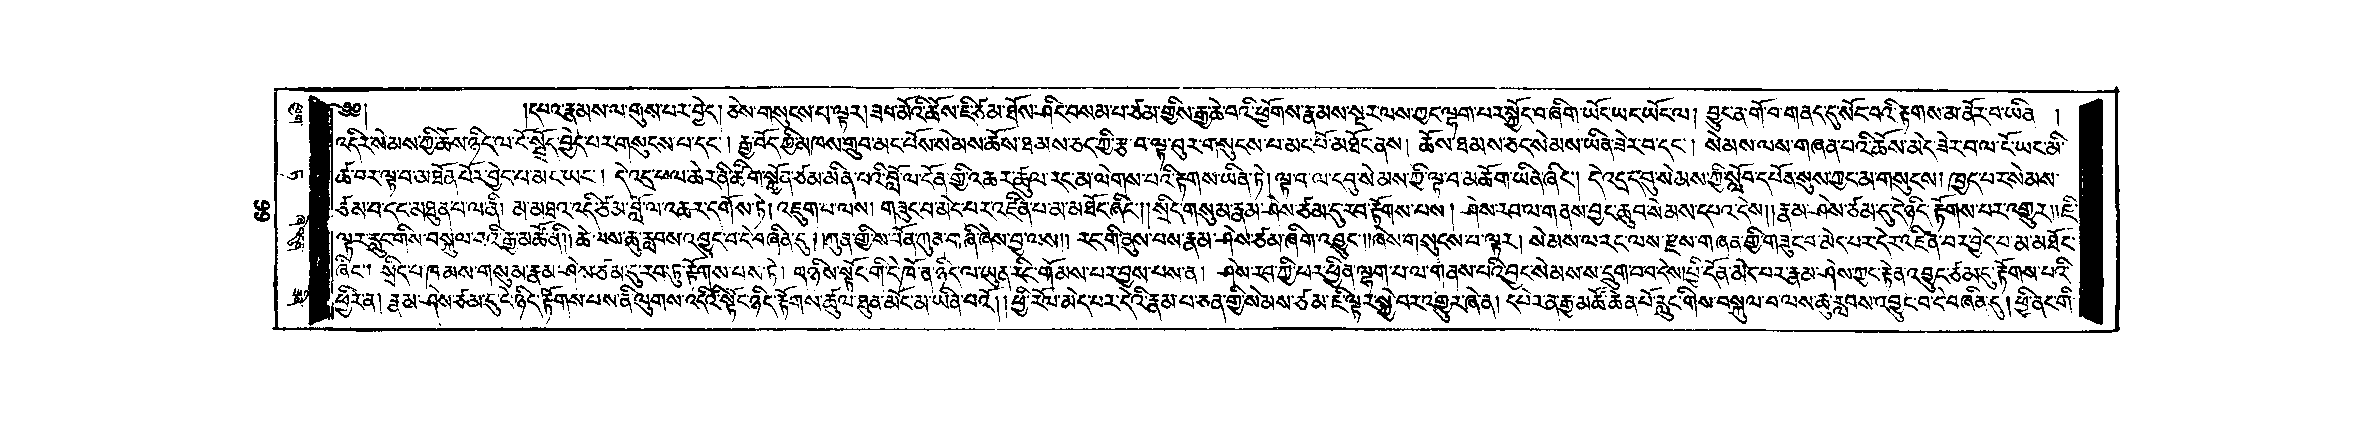༄༅། །དཔའ་རྣམས་ལ་གུས་པར་བྱེད། ཅེས་གསུངས་པ་ལྟར། ཟབ་མོའི་ཆོས་ཇི་ཙམ་ཐོས་ཤིང་བསམ་པ་ཙམ་གྱིས་རྒྱ་ཆེ་བའི་ཕྱོགས་རྣམས་སྔར་ལས་ཀྱང་ལྷག་པར་སྐྱོང་བ་ཞིག་ཡོང་ཡང་ཡོང་ལ། བྱུང་ན་གོ་བ་གནད་དུ་སོང་བའི་རྟགས་མ་ནོར་བ་ཡིན། འདིར་སེམས་ཀྱི་ཆོས་ཉིད་ལ་ངོ་སྤྲོད་བྱེད་པར་གསུངས་པ་དང་། རྒྱ་བོད་ཀྱི་མཁས་གྲུབ་མང་པོས་སེམས་ཆོས་ཐམས་ཅད་ཀྱི་རྩ་བ་ལྟ་བུར་གསུངས་པ་མང་པོ་མཐོང་ནས། ཆོས་ཐམས་ཅད་སེམས་ཡིན་ཟེར་བ་དང་། སེམས་ལས་གཞན་པའི་ཆོས་མེད་ཟེར་བ་ལ་ངོ་ཡང་མི་
ཚ་བར་ལྟ་བ་མཐོན་པོར་བྱེད་པ་མང་ཡང་། དེ་འདྲ་ཕལ་ཆེར་ནི་ཚིག་སྐྱོན་ཙམ་མིན་པའི་བློ་ལ་དོན་གྱི་འཆར་ཚུལ་རང་མ་ལེགས་པའི་རྟགས་ཡིན་ཏེ། ལྟ་བ་ལ་དབུ་སེམས་ཀྱི་ལྟ་བ་མཆོག་ཡིན་ཞིང་། དེ་འདྲ་དབུ་སེམས་ཀྱི་སློབ་དཔོན་སུས་ཀྱང་མ་གསུངས། ཁྱད་པར་སེམས་
ཙམ་པ་དང་མཐུན་པ་ལ་ནི། མ་མཐའ་འདི་ཙམ་བློ་ལ་འཆར་དགོས་ཏེ། འཇུག་པ་ལས། གཟུང་བ་མེད་པར་འཛིན་པ་མ་མཐོང་ཞིང་། །སྲིད་གསུམ་རྣམ་ཤེས་ཙམ་དུ་རབ་རྟོགས་པས། ཤེས་རབ་ལ་གནས་བྱང་ཆུབ་སེམས་དཔའ་དེས། །རྣམ་ཤེས་ཙམ་དུ་དེ་ཉིད་རྟོགས་པར་འགྱུར། །ཇི་
ལྟར་རླུང་གིས་བསྐུལ་བའི་རྒྱ་མཚོ་ནི། །ཆེ་ལས་ཆུ་རླབས་འབྱུང་བ་དེ་བཞིན་དུ། །ཀུན་གྱི་ས་བོན་ཀུན་གཞི་ཞེས་བྱ་ལས། །རང་གི་ནུས་པས་རྣམ་ཤེས་ཙམ་ཞིག་འབྱུང་། །ཞེས་གསུངས་པ་ལྟར། སེམས་ལ་རང་ལས་རྫས་གཞན་གྱི་གཟུང་བ་མེད་པར་དེར་འཛིན་པར་བྱེད་པ་མ་མཐོང་
ཞིང་། སྲིད་པ་ཁམས་གསུམ་རྣམ་ཤེས་ཙམ་དུ་རབ་ཏུ་རྟོགས་པས་ཏེ། གཉིས་སྟོང་གི་དེ་ཁོ་ན་ཉིད་ལ་ཡུན་རིང་གོམས་པར་བྱས་པས་ན། ཤེས་རབ་ཀྱི་ཕར་ཕྱིན་ལྷག་པ་ལ་གནས་པའི་བྱང་སེམས་ས་དྲུག་པ་བ་དེས། ཕྱི་དོན་མེད་པར་རྣམ་ཤེས་ཀྱང་རྟེན་འབྱུང་ཙམ་དུ་རྟོགས་པའི་
ཕྱིར་ན། རྣམ་ཤེས་ཙམ་དུ་ཉིད་རྟོགས་པས་ནི་ལུགས་འདིའི་སྟོང་ཉིད་རྟོགས་ཚུལ་ཐུན་མོང་མ་ཡིན་པའོ། །ཕྱི་རོལ་མེད་པར་དེའི་རྣམ་པ་ཅན་གྱི་སེམས་ཙམ་ཇི་ལྟར་སྐྱེ་བར་འགྱུར་ཞེ་ན། དཔེར་ན་རྒྱ་མཚོ་ཆེན་པོ་རླུང་གིས་བསྐུལ་བ་ལས་ཆུ་རླབས་འབྱུང་བ་དེ་བཞིན་དུ། ཕྱི་ནང་གི་